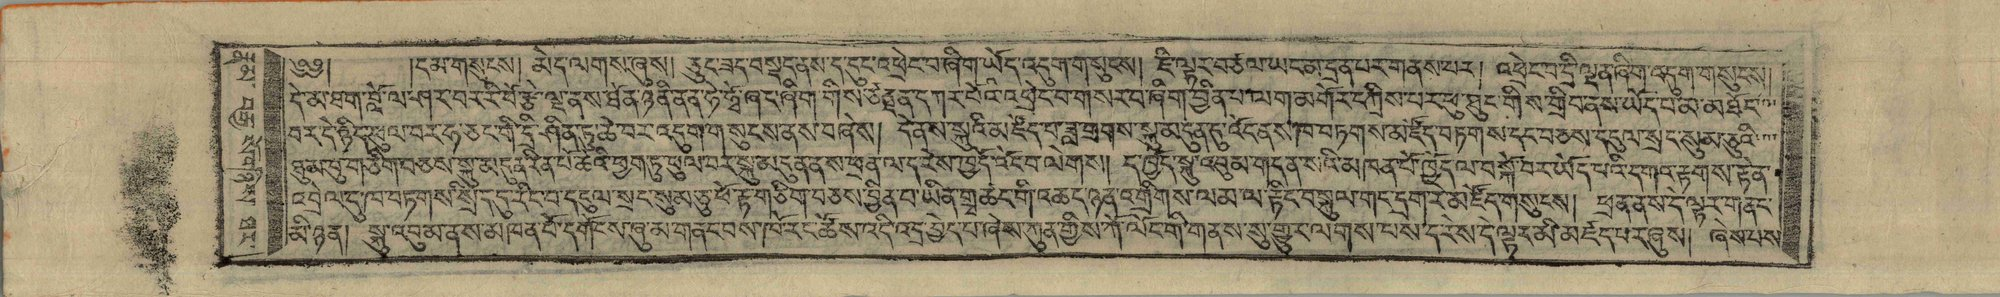༄༅། །དམ་གསུངས། མེད་ལགས་ཞུས། ཅུང་ཟད་བསྡད་ནས་ད་དུང་འཕྲེང་བ་ཞིག་ཡོད་འདུག་གསུངས། ཇི་ལྟར་བཙལ་ཡང་མ་དྲན་པར་གནས་པར། འཕྲེང་བ་དྲི་ལྡན་ཞིག་འདུག་གསུངས།
དེ་མ་ཐག་བློ་ལ་ཤར་བར་རི་བོ་རྩེ་ལྔ་ནས་ཐོན་ཉིན་ནན་ཧེ་ཧྭོ་ཞང་ཞིག་གིས་ཙནྡན་དཀར་པོའི་འཕྲེང་བ་གསར་བ་ཞིག་བྱིན་པ་ལག་མགོར་དཀྲིས་པར་ཕུ་ཐུང་གིས་གྲིབ་ནས་ཡོད་པ་མ་མཐོང་
བར་དེ་ཉིད་ཕུལ་བར་ཧ་ཅང་གི་དྲི་ཤིན་ཏུ་ཆེ་བར་འདུག་གསུངས་ནས་བཞེས། དེ་ནས་སྐུའི་མཛོད་པ་ཟླ་གྲགས་སྐུ་མདུན་དུ་འོང་ནས་ཁ་བཏགས་མཛོད་བཏགས་དང་བཅས་དངུལ་སྲང་སུམ་ཅུའི་
ཐུམ་བུ་གཅིག་བཅས་སྐུ་མདུན་རིན་པོ་ཆེའི་ཕྱག་ཏུ་ཕུལ་བར་སྐུ་མདུན་ནས་ཕྲན་ལ་ད་རེས་ཁྱོད་འོང་བ་ལེགས། ད་ཁྱོད་སྐུ་འབུམ་གདན་སའི་མཁན་པོ་ཁྱོད་ལ་བསྐོ་བར་ཡོད་པའི་དགའ་རྟགས་རྟེན་
འབྦེལ་དུ་ཁ་བཏགས་སྲིད་དུ་རིང་བ་དངུལ་སྲང་སུམ་ཅུ་ཕོ་རྟ་གཅིག་བཅས་བཡཡན་པ་ཡིན་གྲྭ་ཚང་གི་འཆད་ཉན་འགྲིགས་ལམ་ལ་རྟིང་བསྐུལ་གང་དྲག་རེ་མཛོད་གསུངས། ཕྲན་ནས་དེ་ལྟབ་གནང་
མི་ཉན། སྐུ་འབེམ་ནས་མཁན་པོ་དགོངཅ་ཞུ་མ་གནང་བས་?་ཁོ་རང་ཚོས་འདི་འདྲ་བྱེད་པ་ཞེས་ཀུན་གྱིས་ཀོ་ལོང་གི་གནས་སུ་གྱུར་ལགས་པས་ད་རེས་དེ་ལྟར་མི་མཛད་པར་ཞུས། ཞེས་པས་